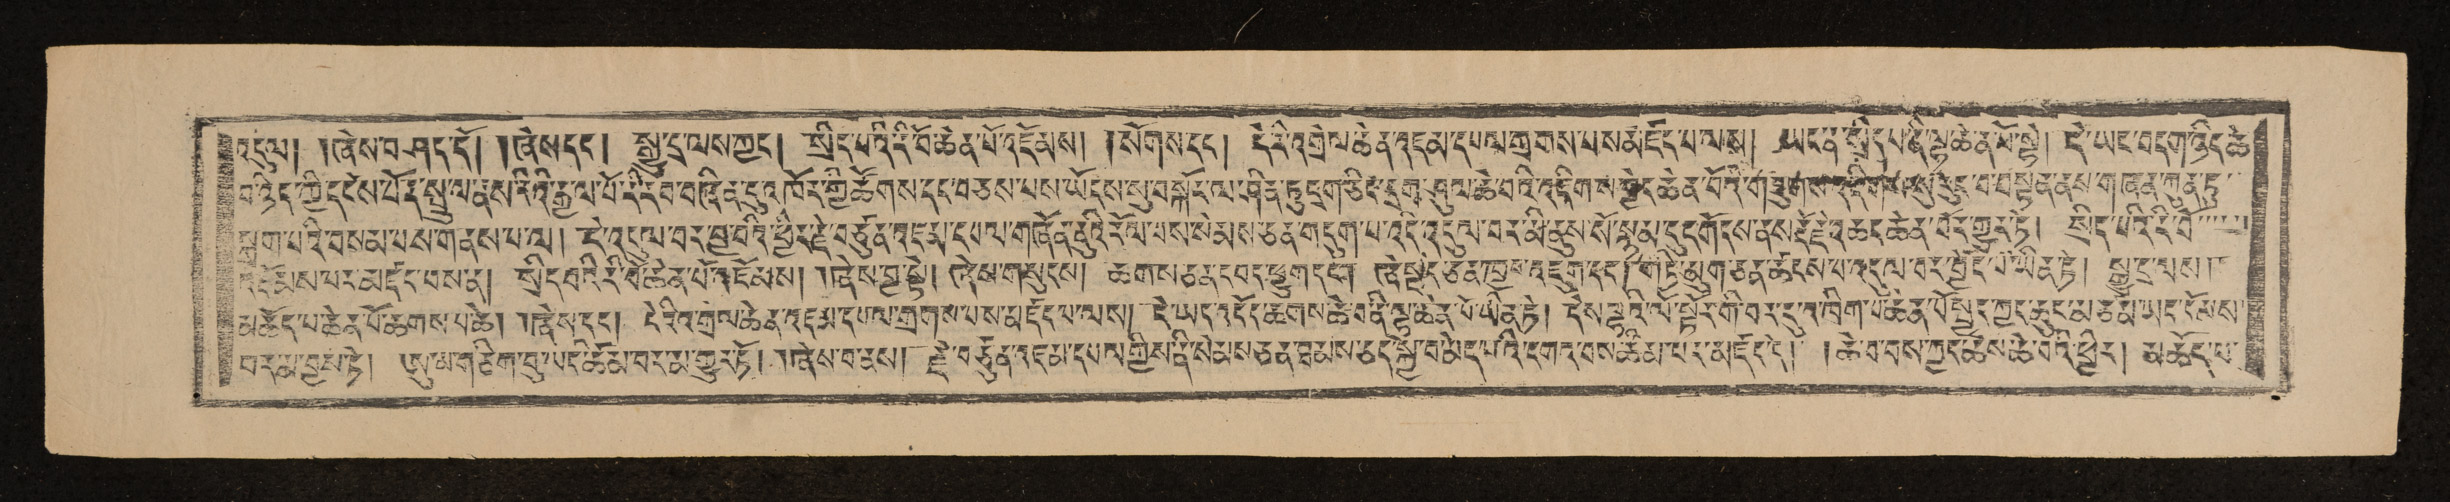འདུལ། །ཞེས་བཤད་དོ། །ཞེས་དང་། སྒྱུ་དྲ་ལས་ཀྱང་། སྲིད་པའི་རི་བོ་ཆེན་པོ་འཇོམས། །སོགས་དང་། དེའི་འགྲེལ་ཆེན་འཇམ་དཔལ་གྲགས་པས་མཛད་པ་ལས། ཡང་ན་སྲིད་པ་ནི་ལྷ་ཆེན་པོ་སྟེ། དེ་ཡང་བདག་ཉིད་ཆེ་
བ་ཉིད་ཀྱི་དངོས་པོར་སྤྲུལ་ནས་རིའི་རྒྱལ་པོ་རི་རབ་བཞིན་དུ་འཁོར་གྱི་ཚོགས་དང་བཅས་པས་ཡོངས་སུ་བསྐོར་ལ་ཤིན་ཏུ་དྲག་ཅིང་དྲག་ཤུལ་ཆེ་བའི་འཇིགས་བྱེད་ཆེན་པོའི་གཟུགས་འཇིགས་སུ་རུང་བ་བསྟན་ནས་གཞན་ཀུན་ཏུ་
སྐྲག་པའི་བསམ་པས་གནས་པ་ལ། དེ་འདུལ་བར་བྱ་བའི་ཕྱིར་རྗེ་བཙུན་འཇམ་དཔལ་གཞོན་ནུའི་རོལ་པས་སེམས་ཅན་གདུག་པ་འདི་འདུལ་བར་མི་ནུས་སོ་སྙམ་དུ་དགོངས་ནས་རྡོ་རྗེ་འཆང་ཆེན་པོར་གྱུར་ཏེ། སྲིད་པའི་རི་བོ་
འཇོམས་པར་མཛད་པས་ན། སྲིད་པའི་རི་བོ་ཆེན་པོ་འཇོམས། །ཞེས་བྱ་སྟེ། ཞེས་གསུངས། ཆགས་ཅན་དབང་ཕྱུག་དང་། ཞེ་སྡང་ཅན་ཁྱབ་འཇུག་དང་། གཏི་མུག་ཅན་ཚངས་པ་འདུལ་བར་བྱེད་པ་ཡིན་ཏེ། སྒྱུ་དྲ་ལས།
མཆོད་པ་ཆེན་པོ་ཆགས་པ་ཆེ། །ཞེས་དང་། དེའི་འགྲེལ་ཆེན་འཇམ་དཔལ་གྲགས་པས་མཛད་པ་ལས། དེ་ཡང་འདོད་ཆགས་ཆེ་བ་ནི་ལྷ་ཆེན་པོ་ཡིན་ཏེ། དེས་ལྷའི་ལོ་སྟོང་གི་བར་དུ་འཁྲིག་པ་ཆེན་པོ་སྤྱད་ཀྱང་ཆུང་མ་ཙམ་ཡང་ངོམས་
པར་མ་བྱས་ཏེ། ཨུ་མ་གཅིག་བུ་ཡང་ཚིམ་པར་མ་གྱུར་ཏོ། །ཞེས་པ་ནས། རྗེ་བཙུན་འཇམ་དཔལ་གྱིས་ནི་སེམས་ཅན་ཐམས་ཅད་སྐྱེ་བ་མེད་པའི་དགའ་བས་ཚིམ་པར་མཛད་དེ། ཆེ་བ་བས་ཀྱང་ཆེས་ཆེ་བའི་ཕྱིར། མཆོད་པ་